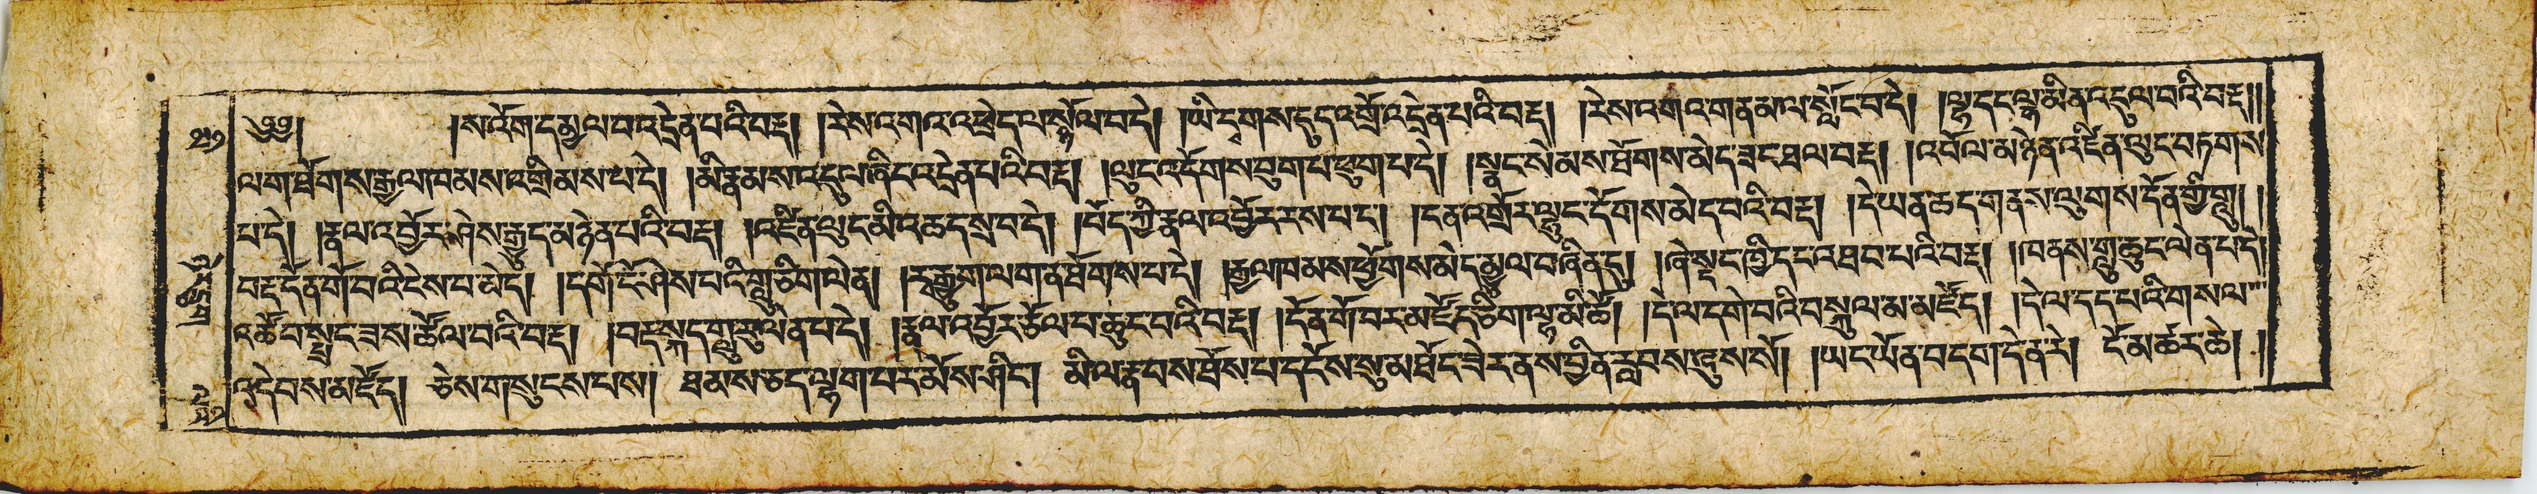ས་འོག་དམྱལ་བ་འདྲེན་པའི་བརྡ། །རེས་འགའ་འཕྲེད ལ་སྙོལ་བ དེ། །ཡི་དྭགས་དུད་འགྲོ་འདྲེན་པའི་བརྡ། །རེས་འགའ་གནམ་ལ་སློང་བ་དེ། །ལྷ་དང་ལྷ་མིན་འདུལ་བའི་བརྡ།.།
ལག་ཐོགས་རྒྱལ་ཁམས་འགྲིམས་པ་དེ། །མི་རྣམས་འདུལ་ཞིང་འདྲེན་པའི་བརྡ། །ལུང་འདོགས་བུག་པ་ཕུག་པ་དེ། །སྣང་སེམས་ཐོགས་མེད་ཟང་ཐལ་བརྡ། །འབོལ་མཉེན་འཛིན་ལུང་བཏགས་
པ་དེ། །རྣལ་འབྱོར་ཤེས་རྒྱུད་མཉེན་པའི་བརྡ། །འཛིན་ལུང་མི་འཆད་སྲ་བ་དེ། །བོད་ཀྱི་རྣལ་འབྱོར་རས་པ་ང་། །ངན་འགྲོར་ལྷུང་དོགས་མེད་པའི་བརྡ། །དེ་ཡན་ཆད་གནས་ལུགས་དོན་གྱི་གླུ། 
བརྡ་དོན་གོ་བའི་ངེས་པ་མེད། །དགེ་ངོ་ཤེས་པའི་གླུ་ཅིག་ལེན། །རྭ་ཆག་ལག་ན་ཐོགས་པ་དེ། །རྒྱལ་ཁམས་ཕྱོགས་མེད་མྱུལ་བཞིན་དུ། །ཞེ་སྡང་ཁྱི་དང་འཐབ་པའི་བརྡ། །ཁ་ནས་གླུ་ཆུང་ལེན་པ་དེ། 
འཚོ་བ་སྤྲང་ཟས་ཚོལ་བའི་བརྡ། །བརྡ་སྐད་གླུ་རུ་ལེན་པ་དེ། །རྣལ་འབྱོར་ཅོལ་པ་ཆུང་བའི་བརྡ། །དོན་གོ་བར་མཛོད་ཅིག་ལྷ་མི་ཚོ། །དེ་ལ་དགེ་བའི་བསྐུལ་མ་མཛོད། །དེ་ལ་དད་པའི་གསལ་
འདེབས་མཛོད། ཅེས་གསུངས་པས། ཐམས་ཅད་ལྷག་པར་མོས་ཤིང་། མི་ལ་རྣ་བས་ཐོས་པ་དངོས་སུ་མཐོང་ཟེར་ནས་བྱིན་རླབས་ཞུས་སོ། ཡང་ཡོན་བདག་དེ་ན་རེ། ངོ་མཚར་ཆེ།།